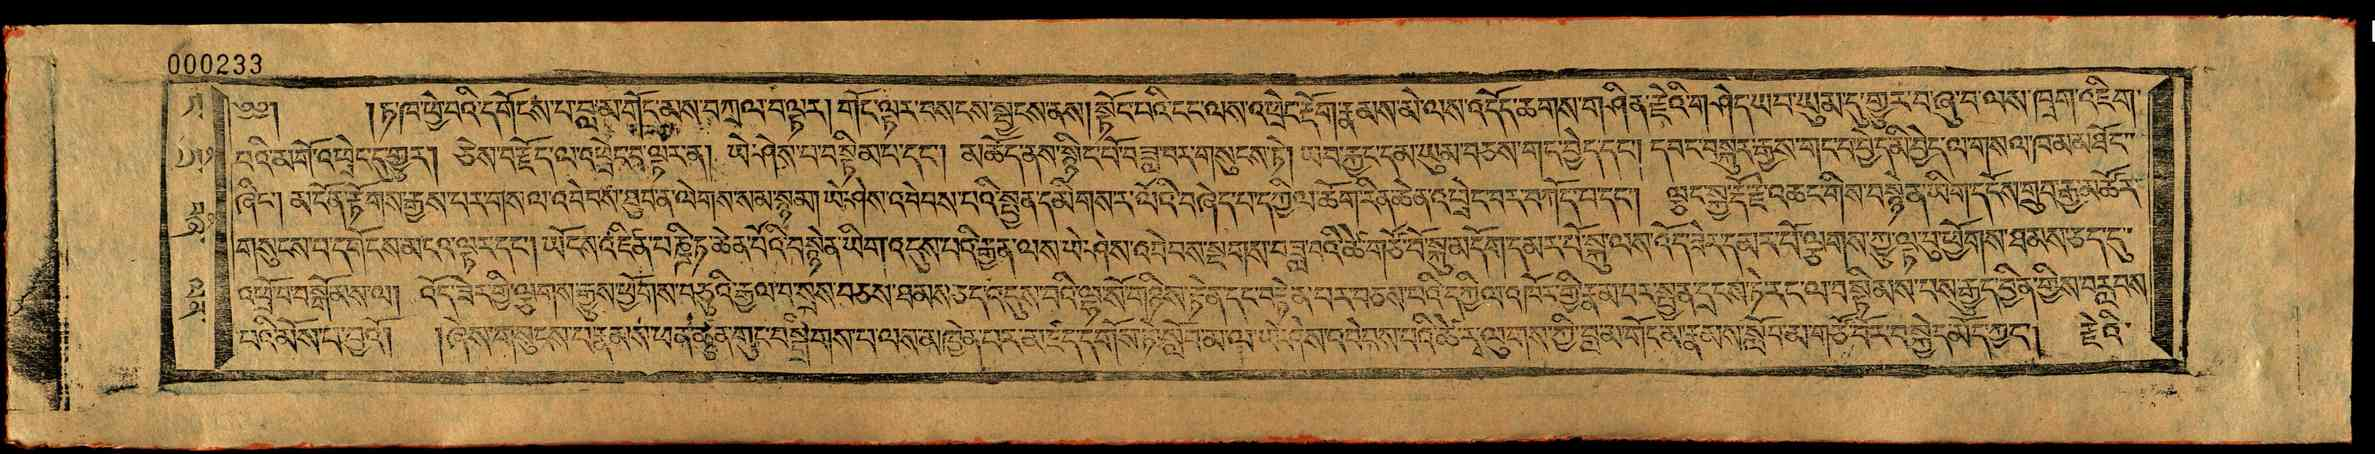༄༅། །ཏ་ཁ་ཕྱེ་བའི་དགོངས་པ་བླ་མ་གོང་མས་བཀྲལ་བ་ལྟར། གོང་ལྟར་བསངས་སྦྱངས་ནས། སྟོང་པའི་ངང་ལས་འཕྲེང་རྡོག་རྣམས་མེ་ལས་འདོད་ཆགས་གཤིན་རྗེའི་གཤེད་ཡབ་ཡུམ་དུ་གྱུར་བ་ཞུ་བ་ལས་ཁྲག་འཇིག་
པའི་མགོ་འཕྲེང་དུ་གྱུར། ཅེས་བརྗོད་ལ་འཕྲེང་བ་ལྟར་ན། ཡེ་ཤེས་པ་བསྟིམ་པ་དང་། མཆོད་ནས་སྙིང་པོ་བཟླ་བང་གསུངས་ཏེ། ཡབ་རྐྱང་དམ་ཡུམ་བཅས་གང་བྱེད་དང་། དབང་བསྐུར་རྒྱས་གདབ་བྱེད་མི་བྱེད་ལ་གསལ་ཁམ་མཐོང་
ཞིང༑ མངོན་རྟོགས་རྒྱས་པར་གསལ་འདེབས་ཐུབ་ན་ལེགས་སམ་སྙམ། ཡེ་ཤེས་འབེབས་པའི་སྤྱན་དམིགས་རྭ་ལོའི་བཞེད་པ་དཀྱིལ་ཆོག་རིན་ཆེན་འཕྲེང་བར་བཀོད་པ་དང་། ལྕང་སྐྱ་རྡོ་རྗེ་འཆང་གིས་བསྙེན་ཡིག་དངོས་གྲུབ་རྒྱ་མཚོར་
གསུངས་པ་དགོངས་མངའ་ལྟར་དང་། ཡོངས་འཛིན་པཎྜི་ཏ་ཆེན་པོའི་བསྙེན་ཡིག་འདུས་པའི་རྒྱན་ལས་ཡེ་ཤེས་འབེབས་སྔགས་བཟླ་བའི་ཚེ་གཙོ་བོ་སྐུ་མདོག་དམར་པོ་སྐུ་ལས་འོད་ཟེར་དམར་པོ་ལྕགས་ཀྱུ་ལྟ་བུ་ཕྱོགས་ཐམས་ཅད་དུ་
འཕྲོ་བ་བསྒོམས་ལ། འོད་ཟེར་གྱི་ལྕགས་ཀྱུས་ཕྱོགས་བཅུའི་རྒྱལ་བ་སྲས་བཅས་ཐམས་ཅད་འདུས་པའི་ལྷ་སོ་གཉིས་རྟེན་དང་བརྟེན་པར་བཅས་པའི་དཀྱིལ་འཁོར་གྱི་རྣམ་པར་སྤྱན་དྲངས་ཏེ་རང་ལ་བསྟིམས་པས་རྒྱུད་བྱིན་གྱིས་བརླབས་
པའི་མོས་པ་བྱའོ། །ཞེས་གསུངས་པ་རྣམས་ཕན་ཚུན་གུང་བསྒྲིགས་པ་ལས་མཁྱེན་པར་མཛད་དགོས་ཏེ་སློབ་མ་ལ་ཡེ་ཤེས་འབེབས་པའི་ཚེ་རྭ་ལུགས་ཀྱི་བླ་མ་གོང་མ་རྣམས་སློབ་མ་གཙོ་བོར་བསྐྱེད་མོད་ཀྱང་། རྗེའི་